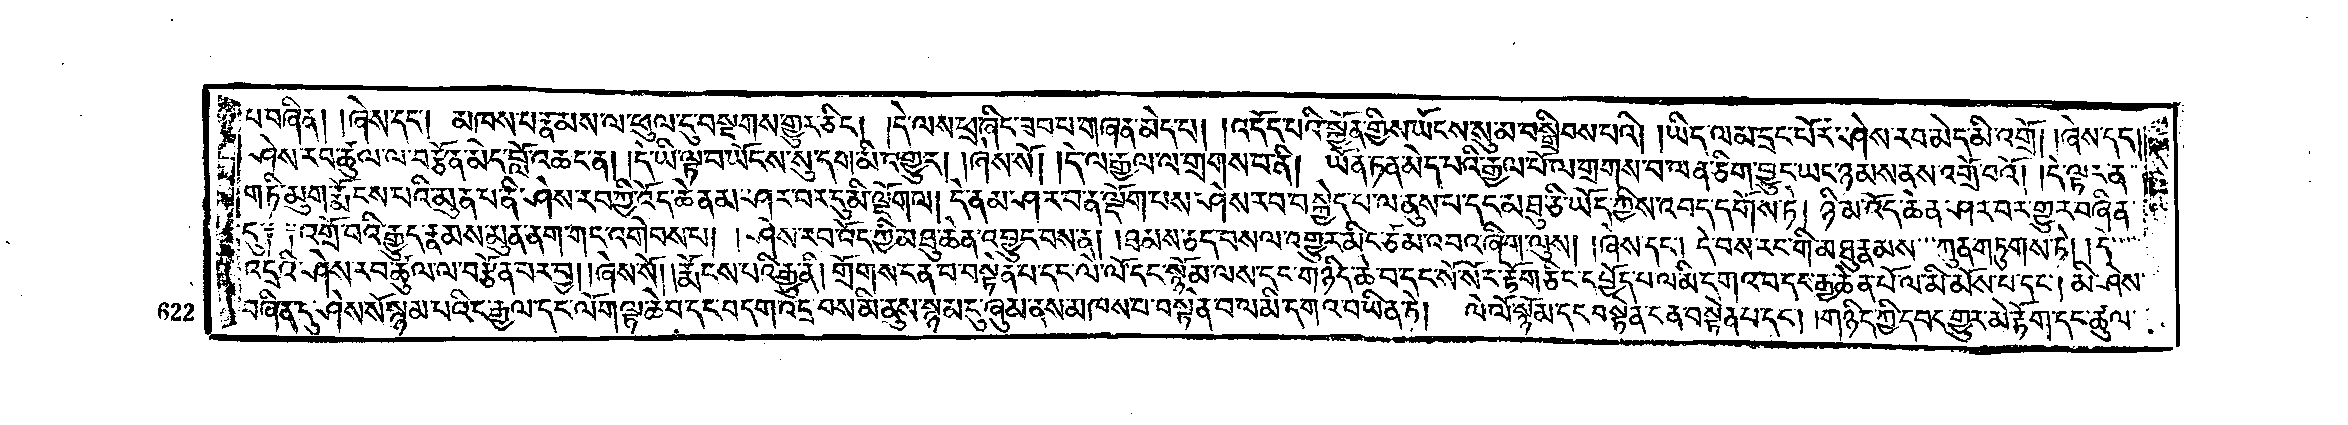པ་བཞིན། །ཞེས་དང་། མཁས་པ་རྣམས་ལ་ཕུལ་དུ་བསྔགས་གྱུར་ཅིང་། །དེ་ལས་ཕྲ་ཞིང་ཟབ་པ་གཞན་མེད་པ། །འདོད་པའི་སྐྱོན་གྱིས་ཡོངས་སུ་མ་བསྒྲིབས་པའི། །ཡིད་ལམ་དྲང་པོར་ཤེས་རབ་མེད་མི་འགྲོ། །ཞེས་དང་།
ཤེས་རབ་ཚུལ་ལ་བརྩོན་མེད་བློ་འཆང་ན། །དེ་ཡི་ལྟ་བ་ཡོངས་སུ་དག་མི་འགྱུར། །ཞེས་སོ། །དེ་ལ་རྒྱལ་ལ་གྲགས་པ་ནི། ཡོན་ཏན་མེད་པའི་རྒྱལ་པོ་ལ་གྲགས་པ་ལན་ཅིག་བྱུང་ཡང་ཉམས་ནས་འགྲོ་བའོ། །དེ་ལྟར་ན་
གཏི་མུག་རྨོངས་པའི་མུན་པ་ནི་ཤེས་རབ་ཀྱི་འོད་ཆེན་མ་ཤར་བར་དུ་མི་ལྡོག་ལ། དེ་ནམ་ཤར་བ་ན་ལྡོག་པས་ཤེས་རབ་བསྐྱེད་པ་ལ་ནུས་པ་དང་མཐུ་ཅི་ཡོད་ཀྱིས་འབད་དགོས་ཏེ། ཉི་མ་འོད་ཆེན་ཤར་བར་གྱུར་བཞིན་
དུ༑ ༑འགྲོ་བའི་རྒྱུད་རྣམས་མུན་ནག་གང་འགེབས་པ། །ཤེས་རབ་འོད་ཀྱི་མཐུན་ཆེན་འབྱུང་བས་ན། །ཐམས་ཅད་པས་ལ་འགྱུར་མིང་ཙམ་འབའ་ཞིག་ལུས། །ཞེས་དང་། དེ་བས་རང་གི་མཐུ་རྣམས་ཀུན་གཏུགས་ཏེ། །དེ་
འདྲའི་ཤེས་རབ་ཚུལ་ལ་བརྩོན་པར་བྱ། །ཞེས་སོ། །རྨོངས་པའི་རྒྱུ་ནི། གྲོགས་ངན་པ་བསྟེན་པ་དང་ལེ་ལོ་དང་སྙོམས་ལས་དྲང་གཉིད་ཆེ་བ་དང་སོ་སོར་རྟོག་ཅིང་དཔྱོད་པ་ལ་མི་དགའ་བ་དང་རྒྱ་ཆོན་པོ་ལ་མི་མོས་པ་དང་། མི་ཤེས་
བཞིན་དུ་ཤེས་སོ་སྙམ་པའི་ང་རྒྱལ་དང་ལོག་ལྟ་ཆེ་བ་དང་བདག་འདྲ་བས་མི་ནུས་སྙམ་དུ་ཞུམ་ནས་མཁས་པ་བསྟེན་པ་ལ་མི་དགའ་པ་ཡིན་ཏེ། ལེ་ལོ་སྙོམ་དང་བསྟེན་ངན་བསྟེན་པ་དང་། །གཉིད་ཀྱི་དབང་གྱུར་མི་རྟོག་དང་ཚུལ་